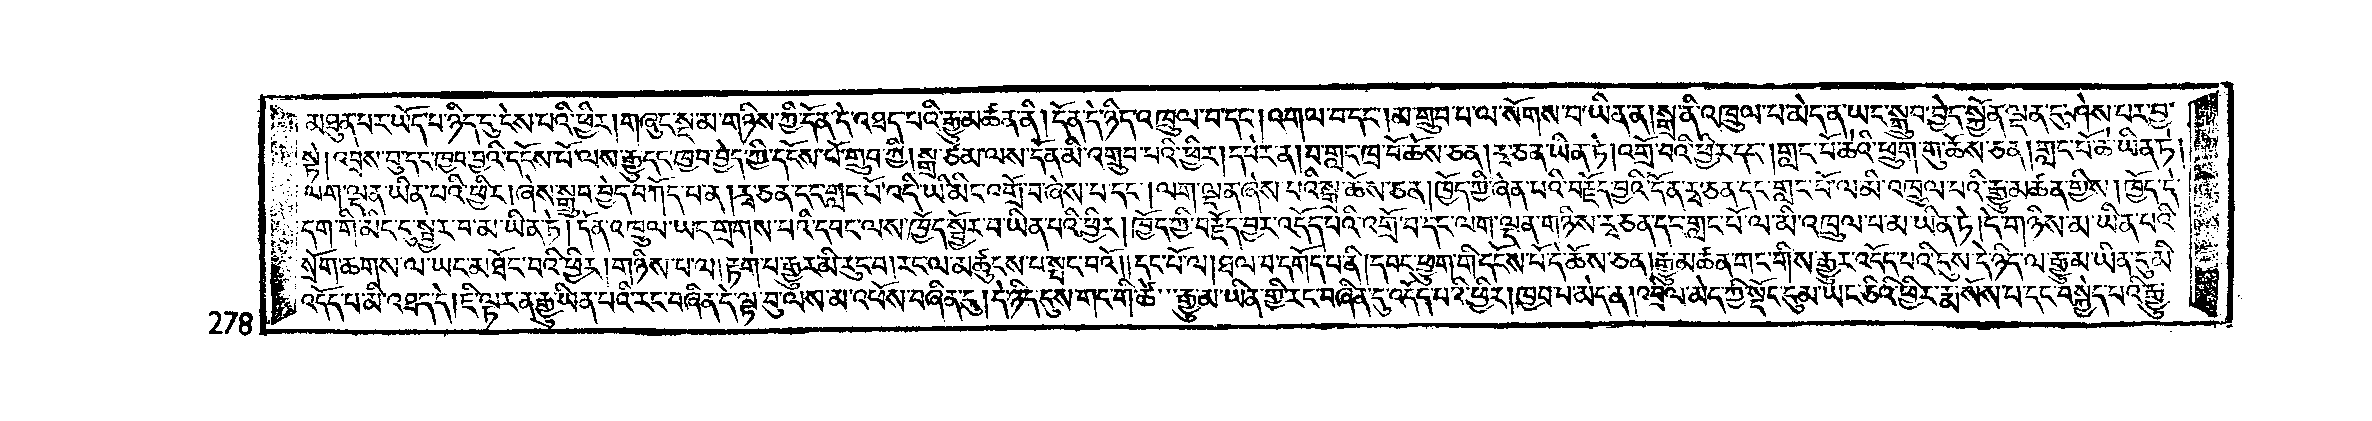མཐུན་པར་ཡོད་པ་ཉིད་དུ་ངེས་པའི་ཕྱིར། གཞུང་སྔ་མ་གཉིས་ཀྱི་དོན་དེ་འཐད་པའི་རྒྱུ་མཚན་ནི། དོན་དེ་ཉིད་འཁྲུལ་པ་དང་། འགལ་བ་དང་། མ་གྲུབ་པ་ལ་སོགས་པ་ཡིན་ན། སྒྲ་ནི་འཁྲུལ་པ་མེད་ན་ཡང་སྒྲུབ་བྱེད་སྐྱོན་ལྡན་དུ་ཤེས་པར་བྱ་
སྟེ། འབྲས་བུ་དང་ཁྱབ་བྱའི་དངོས་པོ་ལས་རྒྱུ་དང་ཁྱབ་བྱེད་ཀྱི་དངོས་པོ་གྲུབ་ཀྱི། སྒྲ་ཙམ་ལས་དོན་མི་འགྲུབ་པའི་ཕྱིར། དཔེར་ན། བ་གླང་ཁྲ་བོ་ཆོས་ཅན། རྭ་ཅན་ཡིན་ཏེ། འགྲོ་བའི་ཕྱིར་དང་། གླང་པོ་ཆེའི་ཕྲུག་གུ་ཆོས་ཅན། གླང་པོ་ཆེ་ཡིན་ཏེ།
ལག་ལྡན་ཡིན་པའི་ཕྱིར། ཞེས་སྒྲུབ་བྱེད་བཀོད་པ་ན། རྭ་ཅན་དང་གླང་པོ་འདི་ཡི་མིང་འགྲོ་བ་ཞེས་པ་དང་། ལག་ལྡན་ཞེས་པའི་སྒྲ་ཆོས་ཅན། ཁྱོད་ཀྱི་ཞེན་པའི་བརྗོད་བྱའི་དོན་རྭ་ཅན་དང་གླང་པོ་ལ་མི་འཁྲུལ་པའི་རྒྱུ་མཚན་གྱིས། ཁྱོད་དེ་
དག་གི་མིང་དུ་སྦྱར་བ་མ་ཡིན་ཏེ། དོན་འཁྲུལ་ཡང་གྲགས་པའི་དབང་ལས་ཁྱོད་སྦྱོར་བ་ཡིན་པའི་ཕྱིར། ཁྱོད་ཀྱི་བརྗོད་བྱར་འདོད་པའི་འགྲོ་བ་དང་ལག་ལྡན་གཉིས་རྭ་ཅན་དང་གླང་པོ་ལ་མི་འཁྲུལ་པ་མ་ཡིན་ཏེ། དེ་གཉིས་མ་ཡིན་པའི་
སྲོག་ཆགས་ལ་ཡང་མཐོང་བའི་ཕྱིར། གཉིས་པ་ལ། རྟག་པ་རྒྱུར་མི་རུང་བ། རང་ལ་མཚུངས་པ་སྤང་བའོ། །དང་པོ་ལ། ཐལ་བ་དགོད་པ་ནི། དབང་ཕྱུག་གི་དངོས་པོ་དེ་ཆོས་ཅན། རྒྱུ་མཚན་གང་གིས་རྒྱུར་འདོད་པའི་དུས་དེ་ཉིད་ལ་རྒྱུ་མ་ཡིན་དུ་མི་
འདོད་པ་མི་འཐད་དེ། ཇི་ལྟར་ན་རྒྱུ་ཡིན་པའི་རང་བཞིན་དེ་ལྟ་བུ་ལས་མ་འཕོས་བཞིན་དུ། དེ་ཉིད་དུས་གང་གི་ཚེ་རྒྱུ་མ་ཡིན་གྱི་རང་བཞིན་དུ་འདོད་པའི་ཕྱིར། ཁྱབ་པ་མེད་ན། འབྲེལ་མེད་ཀྱི་སྡོང་དུམ་ཡང་ཅིའི་ཕྱིར་རྨ་སོས་པ་དང་བསྐྱེད་པའི་རྒྱུ་